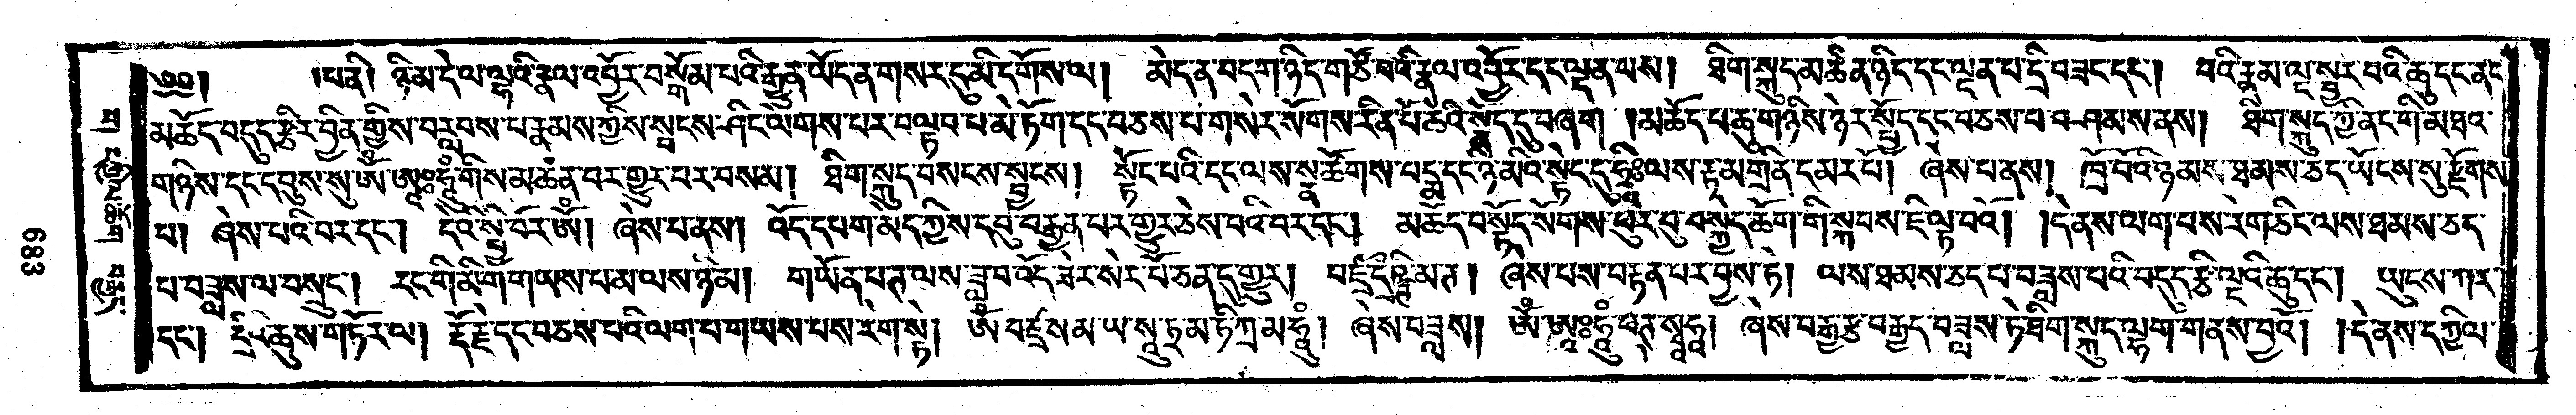༄༅། །པ་ནི། ཉི་མ་དེ་ལ་ལྷའི་རྣལ་འབྱོར་བསྒོམ་པའི་རྒྱུན་ཡོད་ན་གསར་དུ་མི་དགོས་ལ། མེད་ན་བདག་ཉིད་གཙོ་བའི་རྣལ་འབྱོར་དང་ལྡན་པས། ཐིག་སྐུད་མཚན་ཉིད་དང་ལྡན་པ་དྲི་བཟང་དང་། བའི་རྣམ་ལྔ་སྦྱར་བའི་ཆུ་དང་ནང་
མཆོད་བདུད་རྩིར་བྱིན་གྱིས་བརླབས་པ་རྣམས་ཀྱིས་སྤངས་ཤིང་ལེགས་པར་བལྟབ་པ་མེ་ཏོག་དང་བཅས་པ་གསེར་སོགས་རིན་པོ་ཆེའི་སྣོད་དུ་བཞག །མཆོད་པ་ཆུ་གཉིས་ཉེར་སྤྱོད་དང་བཅས་པ་བཤམས་ནས། ཐིག་སྐུད་ཀྱི་ནང་གི་མཐའ་
གཉིས་དང་དབུས་སུ་ཨོཾ་ཨཱཿཧཱུཾ་གིས་མཚན་བར་གྱུར་པར་བསམ། ཐིག་སྐུད་བསངས་སྦྱངས། སྟོང་པའི་དང་ལས་སྣ་ཚོགས་པདམ་དང་ཉི་མའི་སྟེང་དུ་ཧྲཱིཿལས་རྟ་མགྲིན་དམར་པོ། ཞེས་པ་ནས། ཁྲོ་བོའི་ཉམས་ཐམས་ཅད་ཡོངས་སུ་རྫོགས་
པ། ཞེས་པའི་བར་དང་། དེའི་སྤྱི་བོར་ཨོཾ། ཞེས་པ་ནས། འོད་དཔག་མེད་ཀྱིས་དབུ་བརྒྱན་པར་གྱུར་ཅེས་པའི་བར་དང་། མཆོད་བསྟོད་སོགས་ཕུར་བུ་བསྐྱེད་ཆོག་གི་སྐབས་ཇི་ལྟ་བའོ། །དེ་ནས་ལག་པས་རེག་ཅིང་ལས་ཐམས་ཅད་
པ་བཟླས་ལ་བསྲུང་། རང་གི་མིག་གཡས་པ་མ་ལས་ཉི་མ། གཡོན་པ་ཊ་ལས་ཟླ་བ་འོད་ཟེར་སེར་པོ་ཅན་དུ་གྱུར། བཛྲ་དྲྀ་ཥྚི་མ་ཊ། ཞེས་པས་བརྟན་པར་བྱས་ཏེ། ལས་ཐམས་ཅད་པ་བཟླས་པའི་བདུད་རྩི་ལྔའི་ཆུ་དང་། ཡུངས་ཀར་
དང་། དྲིའི་ཆུས་གཏོར་ལ། རྡོ་རྗེ་དང་བཅས་པའི་ལག་པ་གཡས་པས་རེག་སྟེ། ཨོཾ་བཛྲ་ས་མ་ཡ་སཱུ་ཏྲ་མ་ཏི་ཀྲ་མ་ཧཱུཾ། ཞེས་བཟླས། ཨོཾ་ཨཱཿཧཱུཾ་ཕཊ་སྭཱཧཱ། ཞེས་བརྒྱ་རྩ་བརྒྱད་བཟླས་ཏེ་ཐིག་སྐུད་ལྷག་གནས་བྱའོ། །དེ་ནས་དཀྱིལ་